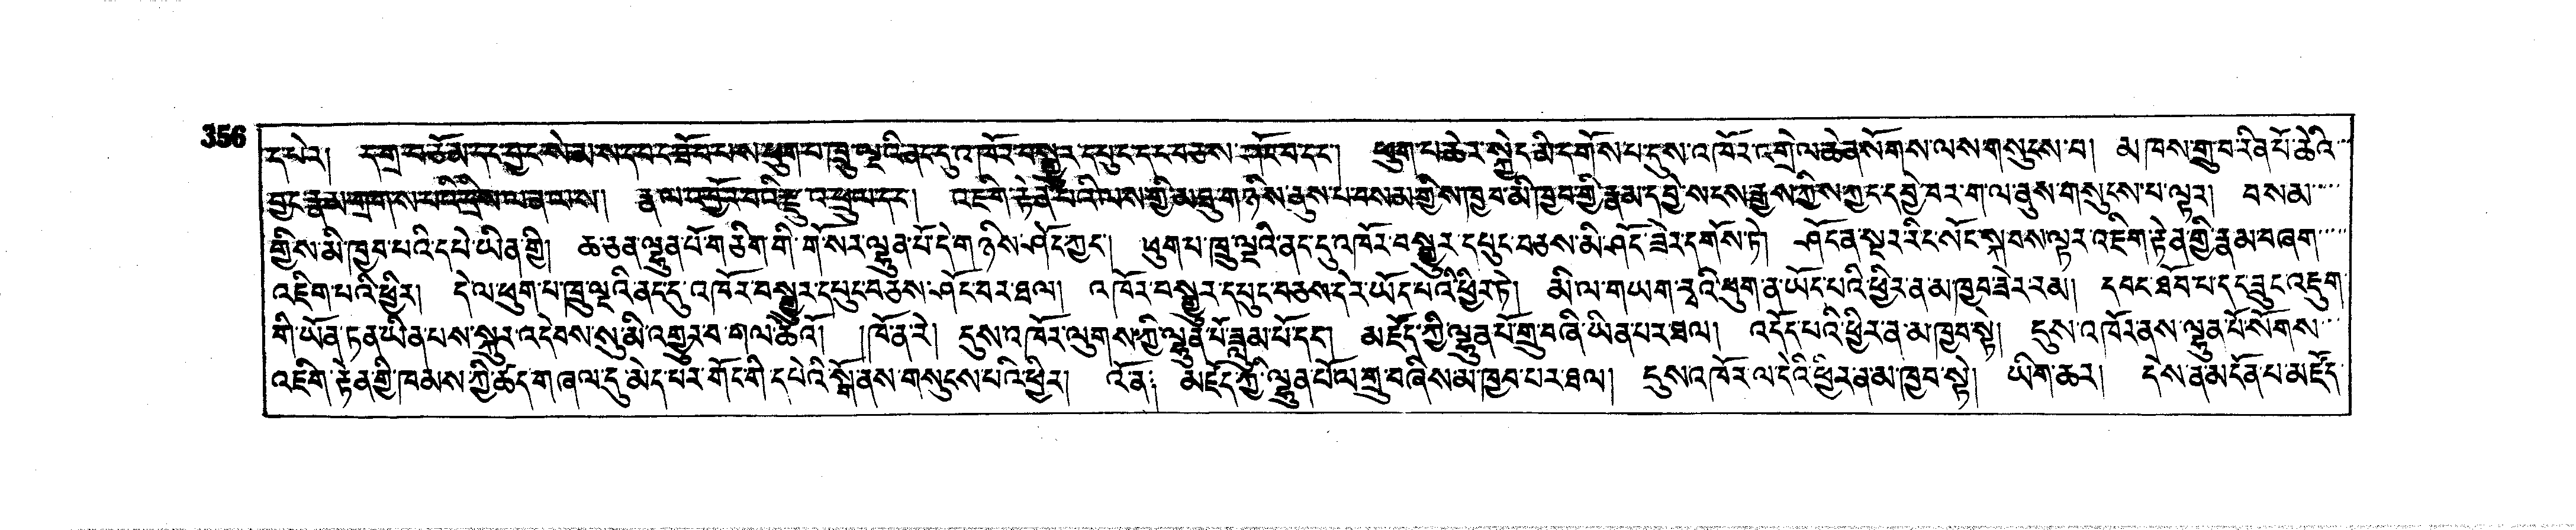དཔེར། དགྲ་བཅོམ་དང་བྱང་སེམས་དབང་ཐོབ་པས་ཕུག་པ་ཁྲུ་ལྔའི་ནང་དུ་འཁོར་བསྒྱུར་དཔུང་དང་བཅས་ཤོང་བ་དང་། ཕུག་པ་ཆེར་སྐྱེད་མི་དགོས་པ་དུས་འཁོར་འགྲེལ་ཆེན་སོགས་ལས་གསུངས་པ། མཁས་གྲུབ་རིན་པོ་ཆེའི་
བྱང་རྣམ་གྲགས་པའི་དྲིས་ལན་ལས། རྣལ་འབྱོར་བའི་རྫུ་འཕྲུལ་དང་། འཇིག་རྟེན་པའི་ལས་གྱི་མཐུ་གཉིས་ནུས་པ་བསམ་གྱིས་ཁྱབ་མི་ཁྱབ་གྱི་རྣམ་དབྱེ་སངས་རྒྱས་ཀྱིས་ཀྱང་དབྱེ་བར་ག་ལ་ནུས་གསུངས་པ་ལྟར། བསམ་
གྱིས་མི་ཁྱབ་པའི་དཔེ་ཡིན་གྱི། ཆ་ཅན་ལྷུན་པོ་གཅིག་གི་གོ་སར་ལྷུན་པོ་དེ་གཉིས་ཤོང་ཀྱང་། ཕུག་པ་ཁྲུ་ལྔའི་ནང་དུ་འཁོར་བསྒྱུར་དཔུང་བཅས་མི་ཤོང་ཟེར་དགོས་ཏེ། ཤོང་ན་སྔར་རིང་སོང་སྐབས་ལྟར་འཇིག་རྟེན་གྱི་རྣམ་བཞག་
འཇིག་པའི་ཕྱིར། དེ་ལ་ཕུག་པ་ཁྲུ་ལྔའི་ནང་དུ་འཁོར་བསྒྱུར་དཔུང་བཅས་ཤོང་བར་ཐལ། འཁོར་བསྒྱུར་དཔུང་བཅས་དེར་ཡོད་པའི་ཕྱིར་ཏེ། མི་ལ་གཡག་རྭའི་ཕུག་ན་ཡོད་པའི་ཕྱིར་ན་མ་ཁྱབ་ཟེར་རམ། དབང་ཐོབ་པ་དང་ཟུང་འཇུག་
གི་ཡོན་ཏན་ཡིན་པས་སྐུར་འདེབས་སུ་མི་འགྱུར་བ་གལ་ཆེའོ། །ཁོ་ན་རེ། དུས་འཁོར་ལུགས་ཀྱི་ལྷུན་པོ་ཟླུམ་པོ་དང་། མཛོད་ཀྱི་ལྷུན་པོ་གྲུ་བཞི་ཡིན་པར་ཐལ། འདོད་པའི་ཕྱིར་ན་མ་ཁྱབ་སྟེ། དུས་འཁོར་ནས་ལྷུན་པོ་སོགས་
འཇིག་རྟེན་གྱི་ཁམས་ཀྱི་ཚད་གཞལ་དུ་མེད་པར་གོང་གི་དཔེའི་སྒོ་ནས་གསུངས་པའི་ཕྱིར། འོ་ན། མཛོད་ཀྱི་ལྷུན་པོ་ལ་གྲུབ་བཞིས་མ་ཁྱབ་པར་ཐལ། དུས་འཁོར་ལ་དེའི་ཕྱིར་ན་མ་ཁྱབ་སྟེ། ཡིག་ཆར། དེས་ན་མངོན་པ་མཛོད་